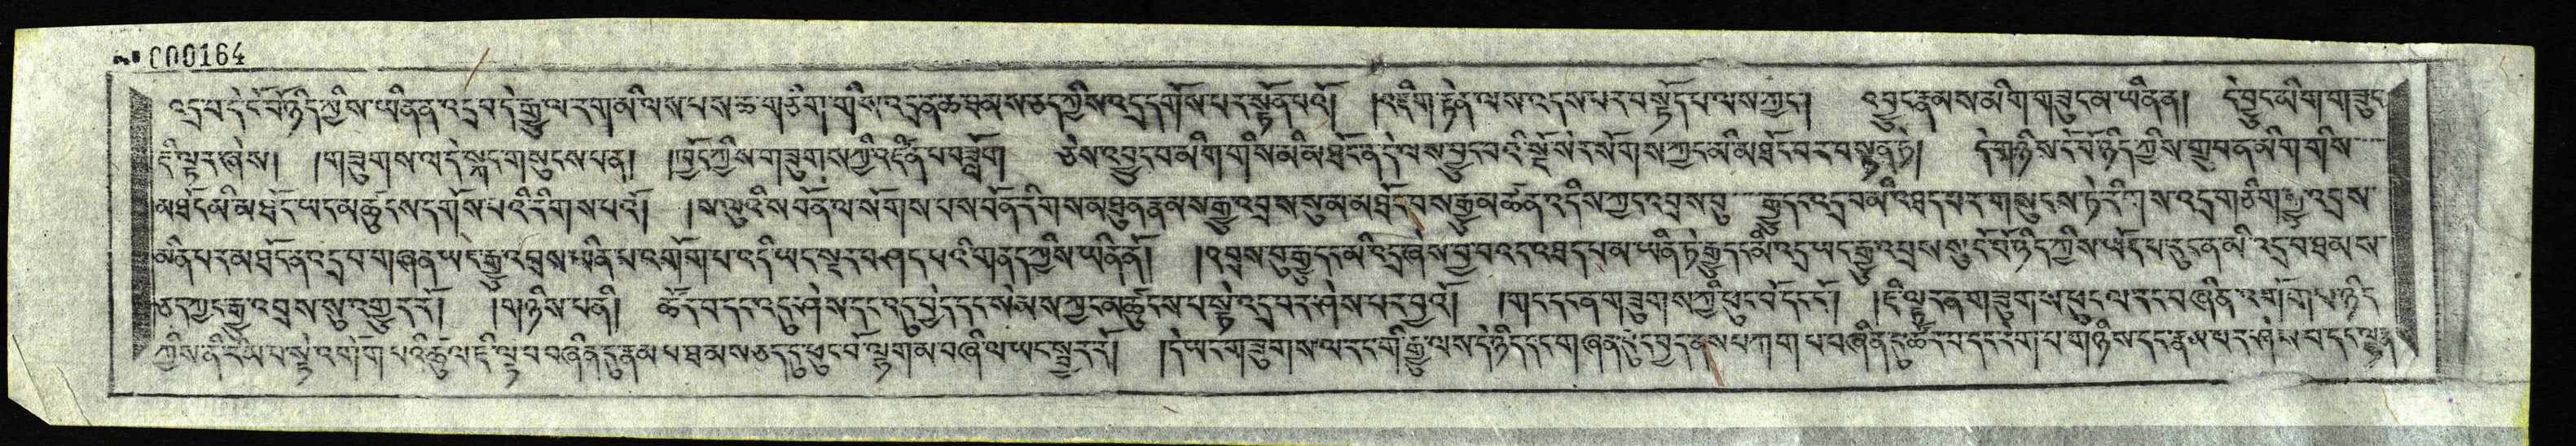འདྲ་བ་དེ་ངོ་བོ་ཉིད་ཀྱིས་ཡིན་ན་འདྲ་བ་དེ་རྒྱུ་ལ་རག་མི་ལས་པས་ཆ་གཅིག་གིས་འདྲན་ཆ་ཐམས་ཅད་ཀྱིས་འདྲ་དགོས་པར་སྟོན་པའོ། །འཇིག་རྟེན་ལས་འདས་པར་བསྟོད་པ་ལས་ཀྱང་། འབྱུང་རྣམས་མིག་གཟུང་མ་ཡིན་ན། དེ་བྱུང་མིག་གཟུང་
ཇི་ལྟར་ཞེས། །གཟུགས་ལ་དེ་སྐད་གསུངས་པ་ན། །ཁྱོད་ཀྱིས་གཟུགས་ཀྱི་འཛིན་པ་བཟློག་ཅེས་འབྱུང་བ་མིག་གིས་མི་མཐོང་ན་དེ་ལས་བྱུང་བའི་སྔོ་སེར་སོགས་ཀྱང་མི་མཐོང་བར་བསྟན་ཏེ། དེ་གཉིས་ངོ་བོ་ཉིད་ཀྱིས་གྲུབ་ན་མིག་གིས་
མཐོང་མི་མཐོང་ཡང་མཚུངས་དགོས་པའི་རིགས་པའོ། །ས་ལུའི་ས་བོན་ལ་སོགས་པ་ས་བོན་རིགས་མཐུན་རྣམས་རྒྱུ་འབྲས་སུ་མ་མཐོང་བས་རྒྱུ་མཚན་འདིས་ཀྱང་འབྲས་བུ་རྒྱུ་དང་འདྲ་བ་མི་འཐད་པར་གསུངས་ཏེ་རིགས་འདྲ་གཅིག་རྒྱུ་འབྲས་
མིན་པར་མཐོང་ན་འདྲ་བ་གཞན་ཡང་རྒྱུ་འབྲས་ཡིན་པ་འགོག་པ་འདི་ཡང་སྔར་བཤད་པའི་གནད་ཀྱིས་ཡིན་ནོ། །འབྲས་བུ་རྒྱུ་དང་མི་འདྲ་ཞེས་བྱ་བའང་འཐད་པ་མ་ཡིན་ཏེ་རྒྱུ་དང་མི་འདྲ་ཡང་རྒྱུ་འབྲས་སུ་ངོ་བོ་ཉིད་ཀྱིས་ཡོད་པ་རུང་ན་མི་འདྲ་བ་ཐམས་
ཅད་ཀྱང་རྒྱུ་འབྲས་སུ་འགྱུར་རོ། །གཉིས་པ་ནི། ཚོར་བ་དང་འདུ་ཤེས་དང་འདུ་བྱེད་དང་སེམས་ཀྱང་མཚུངས་པ་སྟེ་འདྲ་བར་ཤེས་པར་བྱའོ། །གང་དང་ན་གཟུགས་ཀྱི་ཕུང་པོ་དང་ངོ། །ཇི་ལྟར་ན་གཟུགས་ཕུང་ལ་རང་བཞིན་འགོག་པ་ཉིད་
ཀྱིས་ནི་རིམ་པ་སྟེ་འགོག་པའི་ཚུལ་ཇི་ལྟ་བ་བཞིན་དུ་རྣམ་པ་ཐམས་ཅད་དུ་ཕུང་པོ་ལྷག་མ་བཞི་ལ་ཡང་སྦྱར་རོ། །དེ་ཡང་གཟུགས་ལ་རང་གི་རྒྱུ་ལས་དེ་ཉིད་དང་གཞན་དུ་དབྱད་ནས་བཀག་པ་བཞིན་དུ་ཚོར་བ་དང་རེག་པ་གཉིས་དང་རྣམ་པར་ཤེས་པ་དང་ལྷན་